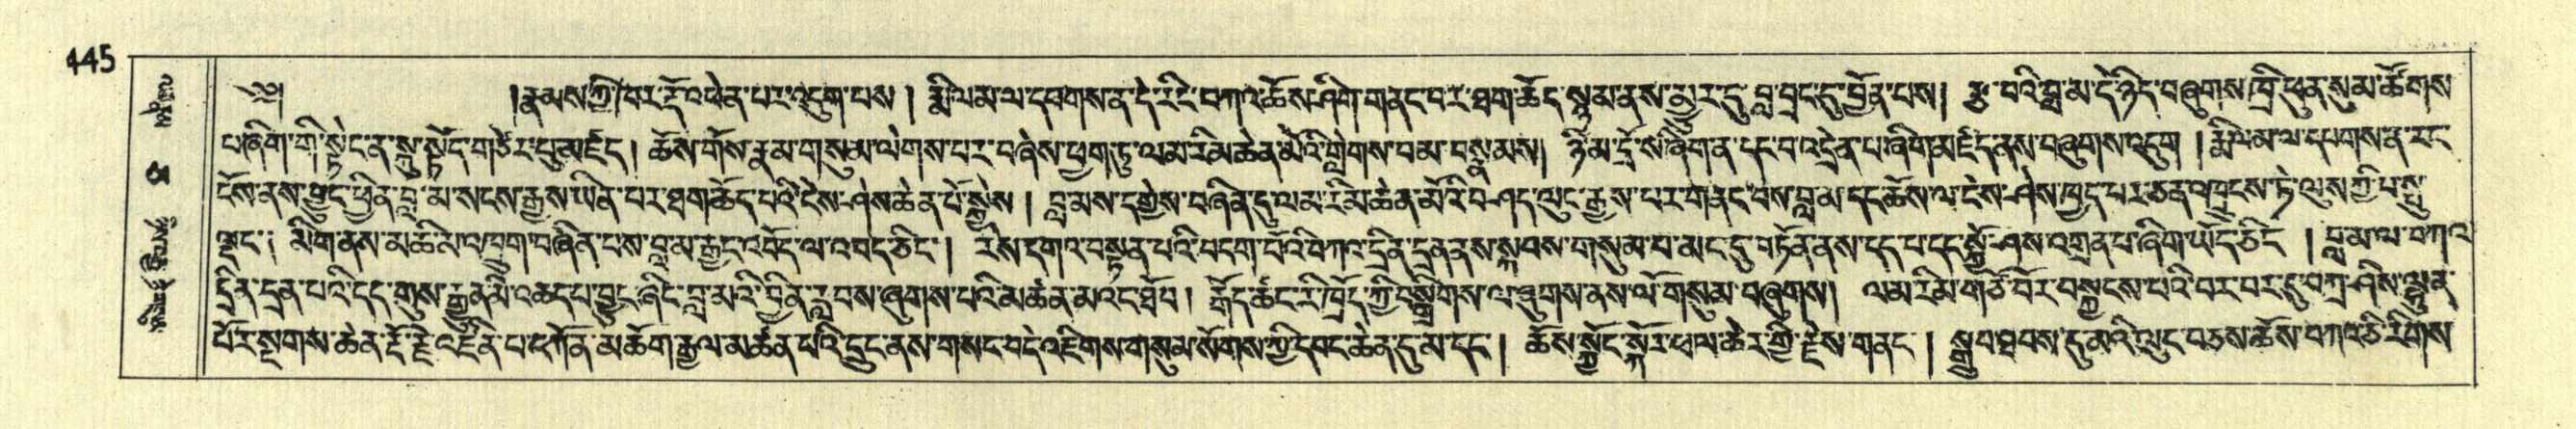༄༅། །རྣམས་ཀྱི་ཁར་རྡོ་འཕེན་པར་འདུག་པས། རྨི་ལམ་ལ་དཔགས་ན་དེ་རིང་བཀའ་ཆོས་ཤིག་གནང་བར་ཐག་ཆོད་སྙམ་ནས་མྱུར་དུ་བླ་གྲང་དུ་བྱོན་པས། རྩ་བའི་བླ་མ་དེ་ཉིད་བཞུགས་ཁྲི་ཕུན་སུམ་ཚོགས་
པ་ཞིག་གི་སྟེང་ན་སྐུ་སྟོད་གཙེར་པུ་མཛད། ཆོས་གོས་རྣམ་གསུམ་ལེགས་པར་བཞེས་ཕྱག་ཏུ་ལམ་རིམ་ཆེན་མོའི་གླེགས་བམ་བསྣམས། ཉི་མ་དྲོ་ས་ཞིག་ན་དང་བ་འདྲེན་པ་ཞིག་མཛད་ནས་བཞུགས་འདུག །རྨི་ལམ་ལ་དཔགས་ན་རང་
ངོས་ནས་བྱུང་ཕྱིན་བླ་མ་སངས་རྒྱས་ཡིན་པར་ཐག་ཆོད་པའི་ངེས་ཤེས་ཆེན་པོ་སྐྱེས། བླ་མས་དགྱེས་བཞིན་དུ་ལམ་རིམ་ཆེན་མོའི་བཤད་ལུང་རྒྱས་པར་གནང་བས་བླ་མ་དང་ཆོས་ལ་ངེས་ཤེས་ཁྱད་པར་ཅན་འཁྲུངས་ཏེ་ལུས་ཀྱི་པ་སྤུ་
ལྡང༑ མིག་ནས་མཆི་མ་འཁྲུག་བཞིན་པས་བླ་མ་རྒྱང་འབོད་ལ་འབད་ཅིང་། རིས་དགའ་བསྟན་པའི་བདག་པོའི་བཀའ་དྲིན་དྲན་ནས་སྐབས་གསུམ་པ་མང་དུ་བཏོན་ནས་དད་པ་དང་སྐྱོ་ཤས་འགྲན་པ་ཞིག་ཡོད་ཅིང་།བླ་མ་ལ་བཀའ་
དྲིན་དྲན་པའི་དད་གུས་རྒྱུན་མི་འཆད་པ་བྱུང་ཞིང་བླ་མའི་བྱིན་རླབས་ཞུགས་པའི་མཚན་མའང་ཐོབ། རྒོད་ཚང་རི་ཁྲོད་ཀྱི་བསྒྲགས་ལ་ཞུགས་ནས་ལོ་གསུམ་བཞུགས། ལམ་རིམ་གཙོ་བོར་བསྐྱངས་པའི་བར་དུ་བཀྲ་ཤིས་ལྷུན་
པོར་སྔགས་ཆེན་རྡོ་རྗེ་འཛིན་པ་དཀོན་མཆོག་རྒྱལ་མཚན་པའི་དྲུང་ནས་གསང་བདེ་འཇིགས་གསུམ་སོགས་ཀྱི་དབང་ཆེན་དུ་མ་དང་། ཆོས་སྐྱོང་སྐོར་ཕལ་ཆེར་གྱི་རྗེས་གནང་། སྒྲུབ་ཐབས་དུ་མའི་ལུང་བཅས་ཆོས་བཀའ་ཅི་རིགས་